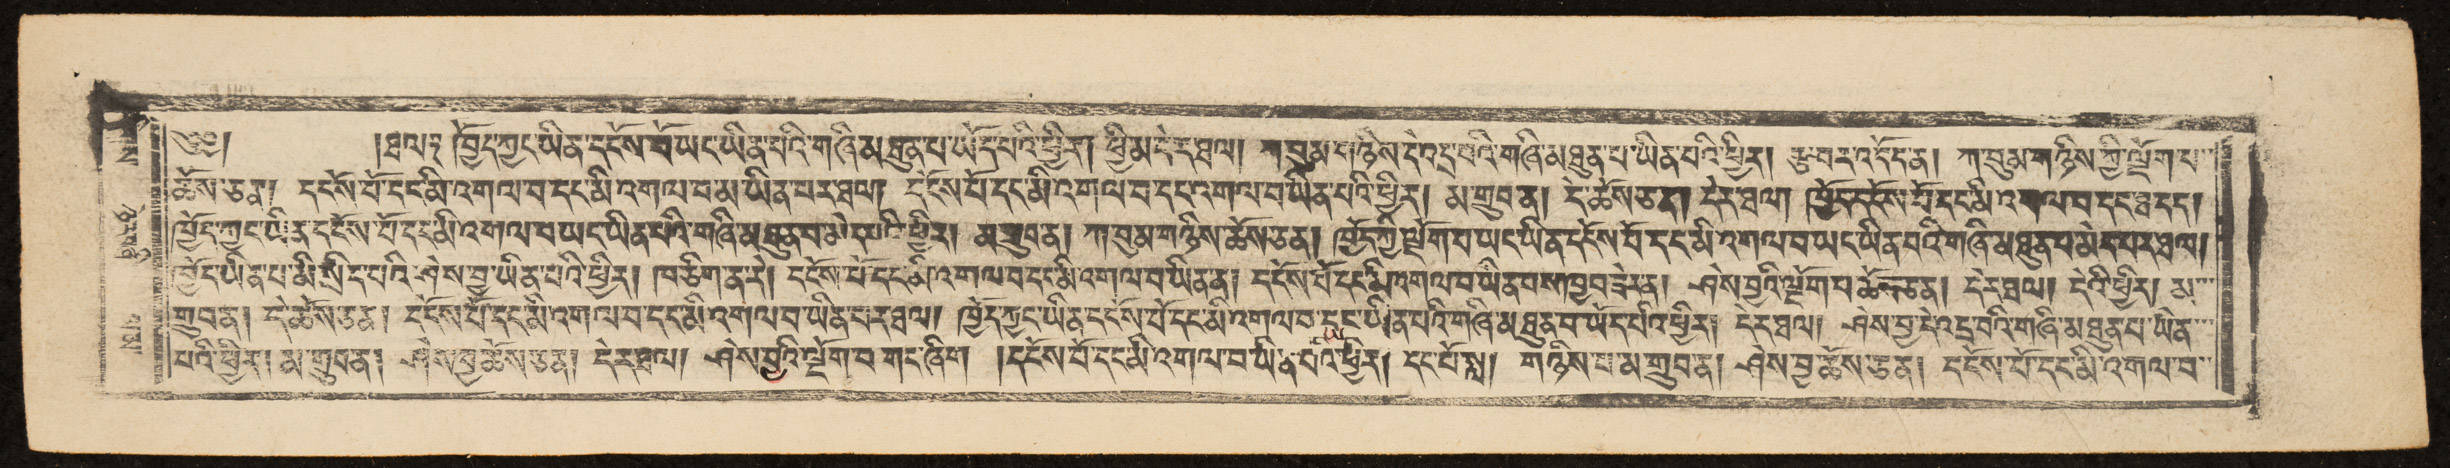༄༅། །ཐལ། ཁྱོད་ཀྱང་ཡིན་དངོས་པོ་ཡང་ཡིན་པའི་གཞི་མཐུན་པ་ཡོད་པའི་ཕྱིར། ཕྱི་མ་དེར་ཐལ། ཀ་བུམ་གཉིས་དེ་འདྲ་བའི་གཞི་མཐུན་པ་ཡིན་པའི་ཕྱིར། རྩ་བར་འདོད་ན། ཀ་བུམ་གཉིས་ཀྱི་ལྡོག་པ་
ཆོས་ཅན། དངོས་པོ་དང་མི་འགལ་བ་དང་མི་འགལ་བ་མ་ཡིན་པར་ཐལ། དངོས་པོ་དང་མི་འགལ་བ་དང་འགལ་བ་ཡིན་པའི་ཕྱིར། མ་གྲུབ་ན། དེ་ཆོས་ཅན། དེར་ཐལ། ཁྱོད་དངོས་པོ་དང་མི་འགལ་བ་དང་ཐ་དད།
ཁྱོད་ཀྱང་ཡིན་དངོས་པོ་དང་མི་འགལ་བ་ཡང་ཡིན་པའི་གཞི་མཐུན་པ་མེད་པའི་ཕྱིར། མ་གྲུབ་ན། ཀ་བུམ་གཉིས་ཆོས་ཅན། ཁྱོད་ཀྱི་ལྡོག་པ་ཡང་ཡིན་དངོས་པོ་དང་མི་འགལ་བ་ཡང་ཡིན་པའི་གཞི་མཐུན་པ་མེད་པར་ཐལ།
ཁྱོད་ཡིན་པ་མི་སྲིད་པའི་ཤེས་བྱ་ཡིན་པའི་ཕྱིར། ཁ་ཅིག་ན་རེ། དངོས་པོ་དང་མི་འགལ་བ་དང་མི་འགལ་བ་ཡིན་ན། དངོས་པོ་དང་མི་འགལ་བ་ཡིན་པས་ཁྱབ་ཟེར་ན། ཤེས་བྱའི་ལྡོག་པ་ཆོས་ཅན། དེར་ཐལ། དེའི་ཕྱིར། མ་
གྲུབ་ན། དེ་ཆོས་ཅན། དངོས་པོ་དང་མི་འགལ་བ་དང་མི་འགལ་བ་ཡིན་པར་ཐལ། ཁྱོད་ཀྱང་ཡིན་དངོས་པོ་དང་མི་འགལ་བ་ཡང་ཡིན་པའི་གཞི་མཐུན་པ་ཡོད་པའི་ཕྱིར། དེར་ཐལ། ཤེས་བྱ་དེ་འདྲ་བའི་གཞི་མཐུན་པ་ཡིན་
པའི་ཕྱིར། མ་གྲུབ་ན། ཤེས་བྱ་ཆོས་ཅན། དེར་ཐལ། ཤེས་བྱའི་ལྡོག་པ་གང་ཞིག། །དངོས་པོ་དང་མི་འགལ་བ་ཡིན་པའི་ཕྱིར། དང་བོ་སླ། གཉིས་པ་མ་གྲུབ་ན། ཤེས་བྱ་ཆོས་ཅན། དངོས་པོ་དང་མི་འགལ་བ་